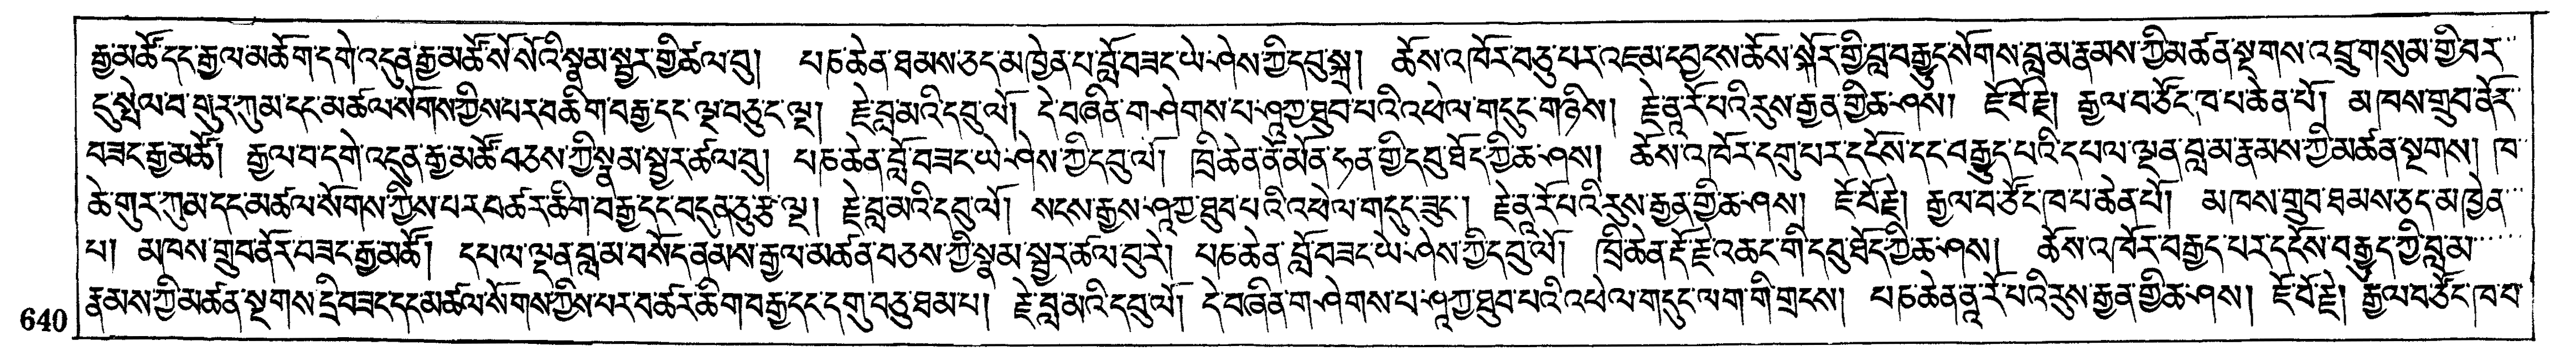རྒྱ་མཚོ་དང་རྒྱལ་མཆོག་དགེ་འདུན་རྒྱ་མཚོ་སོ་སོའི་སྣམ་སྦྱར་གྱི་ཚལ་བུ། པཎ་ཆེན་ཐམས་ཅད་མཁྱེན་པ་བློ་བཟང་ཡེ་ཤེས་ཀྱི་དབུ་སྐྲ། ཆོས་འཁོར་བཅུ་པར་འཇམ་དབྱངས་ཆོས་སྐོར་གྱི་བླ་བརྒྱུད་སོགས་བླ་མ་རྣམས་ཀྱིས་མཚན་སྔགས་འབྲུ་གསུམ་གྱི་བར་
དུ་སྤེལ་བ་གུར་ཀུམ་དང་མཚལ་སོགས་ཀྱིས་པར་བ་ཆིག་བརྒྱ་དང་ལྔ་བཅུ་ང་ལྔ། རྗེ་བླ་མའི་དབུ་ལོ། དེ་བཞིན་གཤེགས་པ་ཤཱཀྱ་ཐུབ་པའི་འཕེལ་གདུང་གཉིས། རྗེ་ནཱ་རོ་པའི་རུས་རྒྱན་གྱི་ཆ་ཤས། ཇོ་བོ་རྗེ། རྒྱལ་བ་ཙོང་ཁ་པ་ཆེན་པོ། མཁས་གྲུབ་ནོར་
བཟང་རྒྱ་མཚོ། རྒྱལ་བ་དགེ་འདུན་རྒྱ་མཚོ་བཅས་ཀྱི་སྣམ་སྦྱར་ཚལ་བུ། པཎ་ཆེན་བློ་བཟང་ཡེ་ཤེས་ཀྱི་དབུ་ལོ། ཁྲི་ཆེན་ནོ་མོན་ཧན་གྱི་དབུ་ཐོད་ཀྱི་ཆ་ཤས། ཆོས་འཁོར་དགུ་པར་དངོས་དང་བརྒྱུད་པའི་དཔལ་ལྡན་བླ་མ་རྣམས་ཀྱི་མཚན་སྔགས། ཁ་
ཆེ་གུར་ཀུམ་དང་མཚལ་སོགས་ཀྱིས་པར་བ་ཚར་ཆིག་བརྒྱ་དང་བདུན་ཅུ་རྩ་ལྔ། རྗེ་བླ་མའི་དབུ་ལོ། སངས་རྒྱས་ཤཱཀྱ་ཐུབ་པའི་འཕེལ་གདུང་ཟུང་། རྗེ་ནཱ་རོ་པའི་རུས་རྒྱན་གྱི་ཆ་ཤས། ཇོ་བོ་རྗེ། རྒྱལ་བ་ཙོང་ཁ་པ་ཆེན་པོ། མཁས་གྲུབ་ཐམས་ཅད་མཁྱེན་
པ༑ མཁས་གྲུབ་ནོར་བཟང་རྒྱ་མཚོ། དཔལ་ལྡན་བླ་མ་བསོད་ནམས་རྒྱལ་མཚན་བཅས་ཀྱི་སྣམ་སྦྱར་ཚལ་བུ་རེ། པཎ་ཆེན་བློ་བཟང་ཡེ་ཤེས་ཀྱི་དབུ་ལོ། ཁྲི་ཆེན་རྡོ་རྗེ་འཆང་གི་དབུ་ཐོད་ཀྱི་ཆ་ཤས། ཆོས་འཁོར་བརྒྱད་པར་དངོས་བརྒྱུད་ཀྱི་བླ་མ་
རྣམས་ཀྱི་མཚན་སྔགས་དྲི་བཟང་དང་མཚལ་སོགས་ཀྱིས་པར་བ་ཚར་ཆིག་བརྒྱ་དང་དགུ་བཅུ་ཐམ་པ། རྗེ་བླ་མའི་དབུ་ལོ། དེ་བཞིན་གཤེགས་པ་ཤཱཀྱ་ཐུབ་པའི་འཕེལ་གདུང་ལག་གི་གྲངས། པཎ་ཆེན་ནཱ་རོ་པའི་རུས་རྒྱན་གྱི་ཆ་ཤས། ཇོ་བོ་རྗེ། རྒྱལ་བ་ཙོང་ཁ་པ་